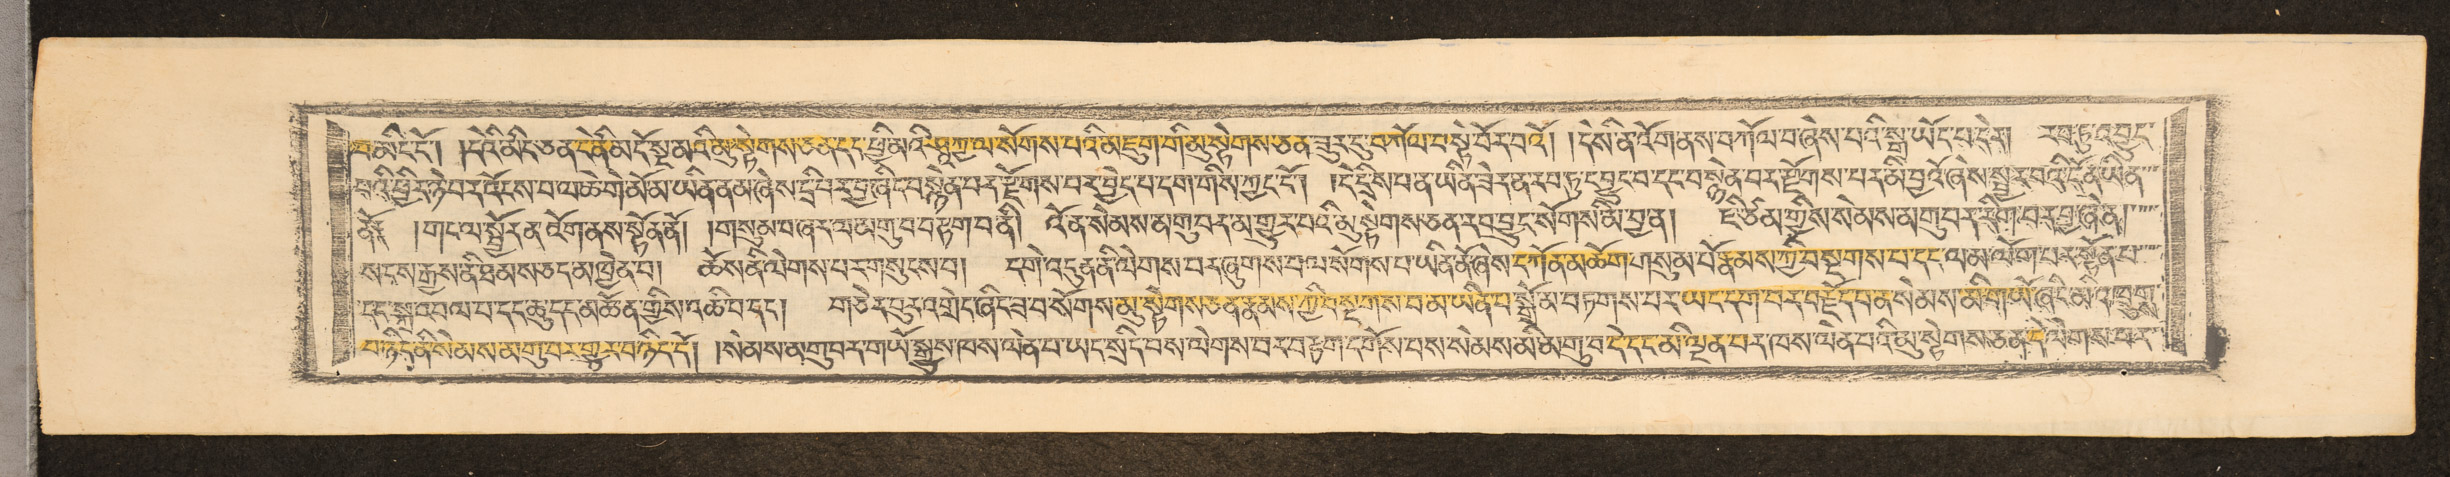བ་མིང་ངོ། །དེའི་མིང་ཅན་དེ་ནི་མདོ་སྔ་མའི་མུ་སྟེགས་ཅན་དང་ཕྱི་མའི་ཤཱཀྱ་ལ་སོགས་པའི་མཇུག་གི་མུ་སྟེགས་ཅན་ཟུར་དུ་བཀོལ་བ་སྡེ་བོ་ར་བའོ། །དེས་ན་འོག་ནས་བཀོལ་པ་ཞེས་པའི་སྒྲ་ཡོད་པ་དེར། རབ་ཏུ་འབྱུང་
པའི་བྱིར་ཉེ་བར་འོངས་པ་ལ་ཆེ་གེ་མོ་མ་ཡིན་ནམ་ཞེས་དྲི་བར་བྱ་ཞིང་བསྙེན་པར་རྫོགས་པར་བྱེད་པ་དག་གིས་ཀྱང་ངོ། །དེ་དྲིས་པ་ན་ཡིན་ཟེར་ན་རབ་ཏུ་དབྱུང་བ་དང་བསྙེན་པར་རྫོགས་པར་མི་བྱའོ་ཞེས་སྦྱར་བའི་དོན་ཡིན་
ནོ༑ །གང་ལ་སྦྱོར་ན་འོག་ནས་སྟོན་ནོ། །གསུམ་བ་ཞར་ལ་མགུ་བ་བརྟག་པ་ནི། འོ་ན་སེམས་མགུ་བར་མ་གྱུར་པའི་མུ་སྟེགས་ཅན་རབ་བྱུང་སོགས་མི་བྱ་ན། ཇི་ཙམ་གྱིས་སེམས་མགུ་བར་རིག་པར་བྱ་ཞེ་ན།
སངས་རྒྱས་ནི་ཐམས་ཅད་མཁྱེན་པ། ཆོས་ནི་ལེགས་པར་གསུངས་པ། དགེ་འདུན་ནི་ལེགས་པར་ཞུགས་པ་ལ་སོགས་པ་ཡིན་ནོ་ཞེས་དཀོན་མཆོག་གསུམ་པོ་རྣམས་ཀྱི་བསྔགས་པ་དང་ལམ་ལོག་པར་སྟོན་པ་
དང་སྐྲ་འབལ་པ་དང་ཆུ་དང་མཚོན་གྱིས་འཆི་བ་དང་། གཅེར་བུར་འགྲེང་ཞིང་ཟ་བ་སོགས་མུ་སྟེགས་ཅན་རྣམས་ཀྱི་བསྔགས་པ་མ་ཡིན་པ་སྒྲོ་མ་བ་ཏགས་པར་ཡང་དག་པར་བརྗོད་པ་ན་སེམས་མི་གཡོ་ཞིང་མི་འཁྲུགས་
པ་ཉིད་ནི་སེམས་མགུ་བར་གྱུར་བ་ཉིད་དོ། །སེམས་མགུ་བར་གཡོ་སྒྱུས་ཁས་ལེན་པ་ཡང་སྲིད་པས་ལེགས་པར་བརྟག་དགོས་བས་སེམས་མི་མགུ་བ་དེ་དང་མི་ལྡན་པར་ཁས་ལེན་པའི་མུ་སྟེགས་ཅན་དེ་ལེགས་པ་